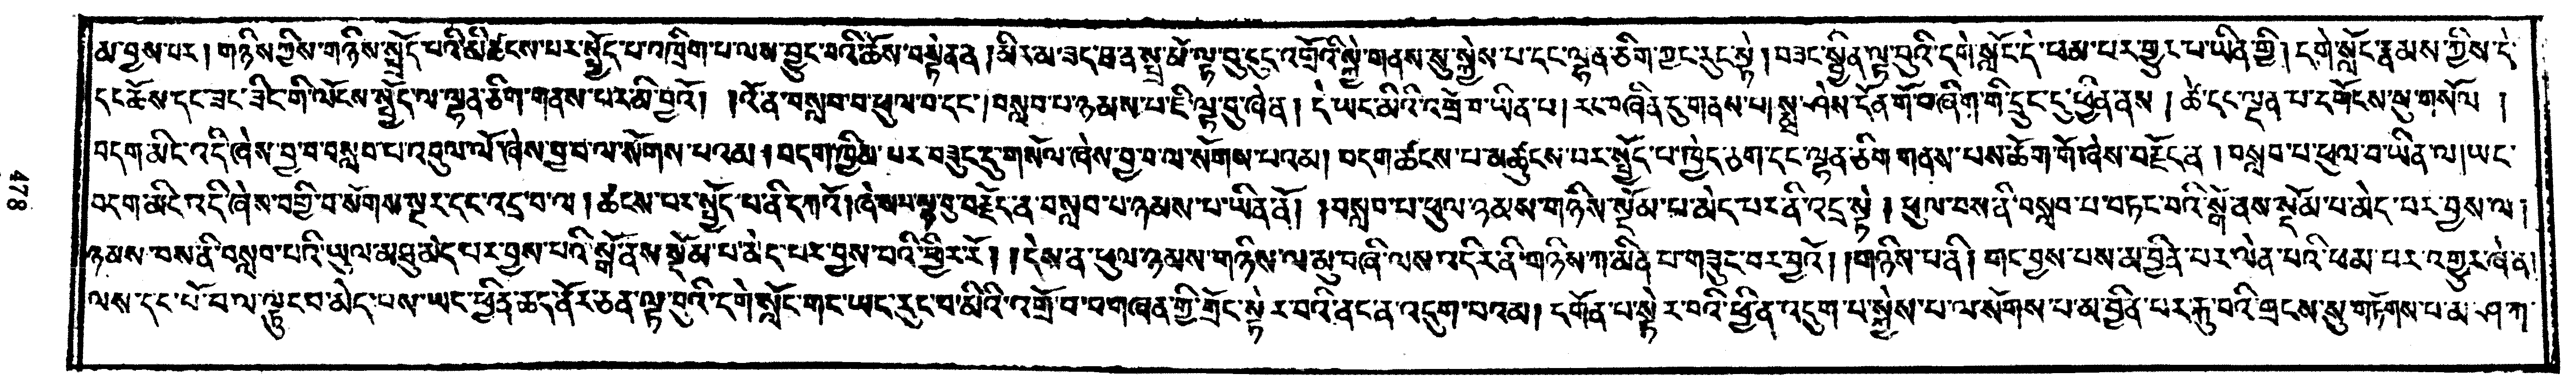མ་བྱས་པར། གཉིས་ཀྱིས་གཉིས་སྤྲོད་པའི་མི་ཚངས་པར་སྤྱོད་པ་འཁྲིག་པ་ལས་བྱུང་བའི་ཆོས་བསྟེན་ན། མིར་མ་ཟད་ཐ་ན་སྤྲ་མོ་ལྟ་བུ་དུད་འགྲོའི་སྐྱེ་གནས་སུ་སྐྱེས་པ་དང་ལྷན་ཅིག་ཀྱང་རུང་སྟེ། བཟང་སྦྱིན་ལྟ་བུའི་དགེ་སློང་དེ་ཕམ་པར་གྱུར་པ་ཡིན་གྱི། དགེ་སློང་རྣམས་ཀྱིས་དེ་
དང་ཆོས་དང་ཟང་ཟིང་གི་ལོངས་སྤྱོད་ལ་ལྷན་ཅིག་གནས་པར་མི་བྱའོ། །འོ་ན་བསླབ་བ་ཕུལ་བ་དང་། བསླབ་པ་ཉམས་པ་ཇི་ལྟ་བུ་ཞེ་ན། དེ་ཡང་མིའི་འགྲོ་བ་ཡིན་པ། རང་བཞིན་དུ་གནས་པ། སྨྲ་ཤེས་དོན་གོ་བ་ཞིག་གི་དྲུང་དུ་ཕྱིན་ནས། ཚེ་དང་ལྡན་པ་དགོངས་སུ་གསོལ་།
བདག་མིང་འདི་ཞེས་བྱ་བ་བསླབ་པ་འབུལ་ལོ་ཞེས་བྱ་བ་ལ་སོགས་པའམ། བདག་ཁྱིམ་པར་བཟུང་དུ་གསོལ་ཞེས་བྱ་བ་ལ་སོགས་པའམ། བདག་ཚངས་པ་མཚུངས་པར་སྤྱོད་པ་ཁྱེད་ཅག་དང་ལྷན་ཅིག་གནས་པས་ཆོག་གོ་ཞེས་བརྗོད་ན། བསླབ་པ་ཕུལ་བ་ཡིན་ལ། ཡང་
བདག་མིང་འདི་ཞེས་བགྱི་བ་སོགས་སྔར་དང་འདྲ་བ་ལ། ཚངས་བར་སྤྱོད་པ་ནི་དཀའོ་།ཞེས་པ་ལྟ་བུ་བརྗོད་ན་བསླབ་པ་ཉམས་པ་ཡིན་ནོ། །བསླབ་པ་ཕུལ་ཉམས་གཉིས་སྡོམ་པ་མེད་པར་ནི་འདྲ་སྟེ། ཕུལ་བས་ནི་བསླབ་པ་བཏང་བའི་སྒོ་ནས་སྡོམ་པ་མེད་པར་བྱས་ལ།
ཉམས་བས་ནི་བསླབ་པའི་ཡུལ་མཐུ་མེད་པར་བྱས་པའི་སྒོ་ནས་སྡོམ་པ་མེད་པར་བྱས་པའི་ཕྱིར་རོ། །དེས་ན་ཕུལ་ཉམས་གཉིས་ལ་མུ་བཞི་ལས་འདིར་ནི་གཉིས་ཀ་མིན་པ་གཟུང་བར་བྱའོ། །གཉིས་པ་ནི། གང་བྱས་པས་མ་བྱིན་པར་ལེན་པའི་ཕམ་པར་འགྱུར་ཞེ་ན།
ལས་དང་པོ་བ་ལ་ལྟུང་བ་མེད་པས་ཡང་ཕྱིན་ཆད་ནོར་ཅན་ལྟ་བུའི་དགེ་སློང་གང་ཡང་རུང་བ་མིའི་འགྲོ་བ་གཞན་གྱི་གྲོང་སྟེར་བའི་ནང་ན་འདུག་བའམ། དགོན་པ་སྟེར་བའི་ཕྱིན་འདུག་པ་སྐྱེས་པ་ལ་སོགས་པ་མ་བྱིན་པར་རྐུ་བའི་གྲངས་སུ་གཏོགས་པ་མ་ཤ་ཀ་